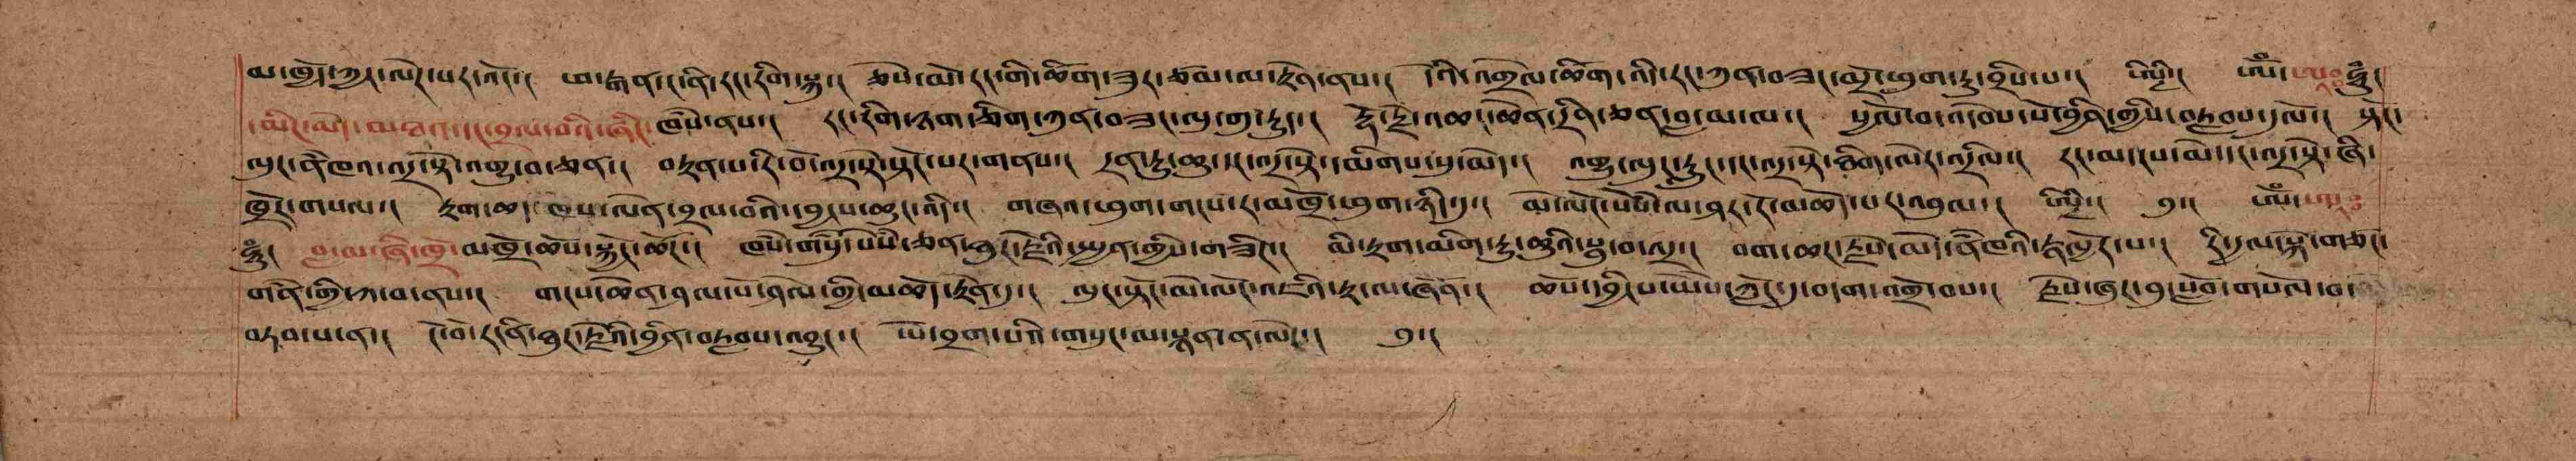མ་ཁྱོད་ཀྱང་ལེགས་པར་འོང་།། ཕ་རྒན་ང་ནི་རང་རིག་སྐུ།། ཅེས་མོ་རང་གི་ཚིག་ཟུར་ཙམ་ལ་བརྟེན་ནས།། དེའི་འགྲེལ་ཚིག་འདི་རང་ཀུན་བཟང་མཁའ་འགྲོ་ཕུག་ཏུ་བྲིས་པ། ཨིཊི། ཨོཾ་ཨཱཿཧཱུཾ།། 
དམིགས་མེད་མཐའ་དང་བྲལ་བའི་ཞིང་ཁམས་ནས།། རང་རིག་ཉག་ཅིག་ཀུན་བཟང་ལུ་གུ་རྒྱུད།། རྡོ་རྗེ་འཆང་ཆེན་དྲིན་ཅན་བླ་མ་ལ།། གསོལ་བ་འདེབས་སོ་བྱིན་གྱིས་བརླབས་ཏུ་གསོལ།། སྟོང་
ལུགས་ནམ་མཁའ་འདྲ་སྟེ་འགྱུ་བ་ཅན།། བརྟན་པ་རི་བོ་འདྲ་སྟེ་སྟོང་པར་གནས།། དྲན་རྒྱུ་ཆུ་དང་འདྲ་སྟེ་དམིགས་སུ་མེད།། འགྱུ་ལུགས་རླུང་དང་འདྲ་སྟེ་ཐིག་ལེར་འདྲིལ།། རང་མདངས་མེ་དང་འདྲ་སྟེ་ཞི་
ཁྲོར་གསལ།། རྟག་ཆད་ཁས་ལེན་བྲལ་བའི་དབྱངས་ཆུང་འདི།། གཞའ་ཕུག་གངས་ར་མཁའ་འགྲོ་ཕུག་ཉིད་དུ།། མེ་ལོང་སེམས་ལ་ཤར་རོ་མཆོད་པ་འབུལ།། ཨིཊི།། ཨོཾ་ཨཱཿ
ཧཱུཾ། བླ་མ་ཞི་ཁྲོ་མཁའ་འགྲོ་ཆོས་སྐྱོང་ཚོགས།། ཁམས་གསུམ་སེམས་ཅན་ཐུགས་རྗེའི་སྤྱན་གྱིས་གཟིགས།། མི་རྟག་སྨྲིག་རྒྱུ་ཆུའི་སྦུ་བ་འདྲ།། བག་ཆགས་རྗེས་མེད་ནམ་མཁའི་རྣལ་འབྱོར་པ།། རི་རྒྱལ་སྐེ་གཙང་
གནམ་གྱི་ཀ་བ་ནས།། གངས་ཆེན་ཤམ་པོ་ཤེལ་གྱི་མཆོད་རྟེན་དུ།། ལུང་སྟོང་མེ་ལོང་འཇའི་རྟ་ལ་ཞོན།། ཆོས་དབྱིངས་ཡེ་ཤེས་ཀློང་དུ་བདག་འགྲོ་བས།། རྗེས་ཞུགས་བུ་སློབ་གསོལ་བ་
བཏབ་པ་ན།། ངོ་བོ་རང་བཞིན་ཐུགས་རྗེའི་བྱིན་རླབས་འབྱུང་།། ཡོ་བྲག་པའི་གསུང་ལ་སྙན་ན་ལེགས།།